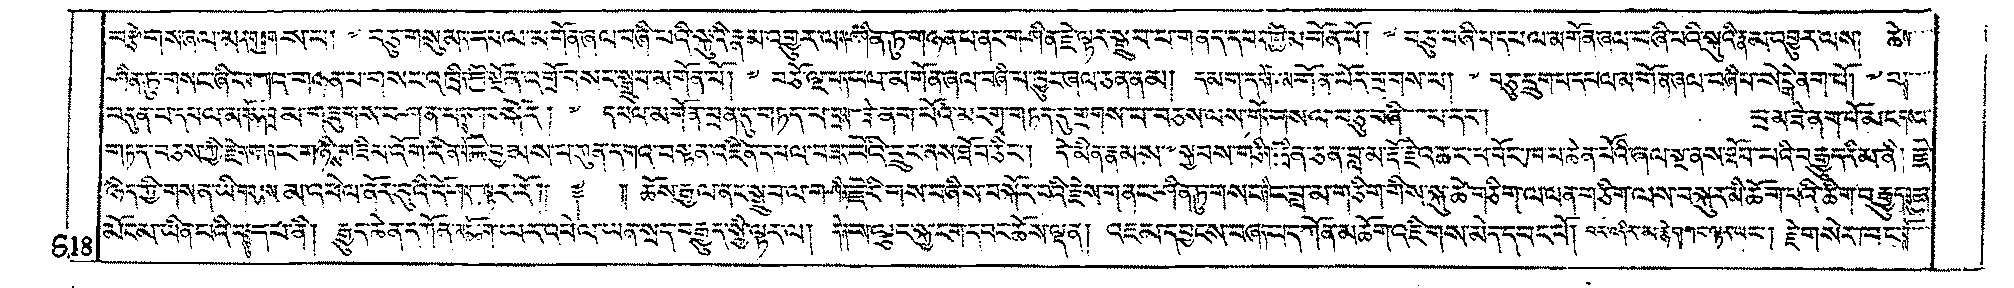བརྩེགས་ཞལ་མར་གྲགས་པ། ༧་བཅུ་གསུམ་པ་དཔལ་མགོན་ཞལ་བཞི་པའི་སྐུའི་རྣམ་འགྱུར་ལས་ཤིན་ཏུ་གཉན་པ་ནང་གཤིན་རྗེ་ལྟར་སྒྲུབ་པ་གནད་དབབ་ཀྱི་མགོན་པོ། ༧་བཅུ་བཞི་པ་དཔལ་མགོན་ཞལ་བཞི་པའི་སྐུའི་རྣམ་འགྱུར་ལས། ཆེས་
ཤིན་ཏུ་གསང་ཞིང་བཀའ་གཉན་པ་གསང་འཁྲིད་ཀྱི་སྔོན་འགྲོ་གསང་སྒྲུབ་མགོན་པོ། ༧་བཅོ་ལྔ་པ་དཔལ་མགོན་ཞལ་བཞི་པ་ཁྱུང་ཞལ་ཅན་ནམ། དམག་དཔོན་མགོན་པར་གྲགས་པ། ༧་བཅུ་དྲུག་པ་དཔལ་མགོན་ཞལ་བཞི་པ་སེངྒེ་ནག་པོ། ༧་བཅུ་
བདུན་པ་དཔལ་མགོན་བྲམ་གཟུགས་བཤན་པ་དྲུག་བསྐོར། ༧་དཔལ་མགོན་བྲན་དུ་གཏད་པ་བྲམ་ཟེ་ནག་པོའི་མངགས་གཏད་དུ་གྲགས་པ་བཅས་ལས་གོང་གསལ་བཅུ་བཞིཔ་དང་། བྲམ་ཟེ་ནག་པོ་མངགས་
གཏད་བཅས་ཀྱི་རྗེས་གནང་གཉིས་གཟིམ་འོག་རིན་པོ་ཆེ་བྱམས་པ་ཀུན་དགའ་བསྟན་འཛིན་དཔལ་བཟང་པོའི་དྲུང་ནས་ཐོབ་ཅིང་། དེ་མིན་རྣམས ༧་སྐྱབས་གཅིག་དྲིན་ཅན་བླ་མ་རྡོ་རྗེ་འཆང་ཕ་བོང་ཁ་པ་ཆེན་པོའི་ཞལ་སྔ་ནས་ཐོབ་པའི་བརྒྱུད་རིམ་ནི། རྗེ་
ཉིད་ཀྱི་གསན་ཡིག་བསམ་འཕེལ་ནོར་བུའི་དོ་ཤལ་ལྟར་རོ།། འ།།ཆོས་རྒྱལ་ནང་སྒྲུབ་ལ་གཤིན་རྗེ་རིགས་བཞིས་བསྐོར་བའི་རྗེས་གནང་ཤིན་ཏུ་གསང་ཞིང་བླ་མ་གཅིག་གིས་སྐུ་ཚེ་གཅིག་ལ་ལན་གཅིག་ལས་བསྐུར་མི་ཆོག་པའི་ཆིག་བརྒྱུད་ཐུན་
མོང་མ་ཡིན་པའི་བརྒྱུད་པ་ནི། རྒྱུད་ཆེན་དཀོན་མཆོག་ཡར་འཕེལ་ཡན་སྲད་བརྒྱུད་སྤྱི་ལྟར་ལ། དེ་ནས་ལྕང་སྐྱ་ངག་དབང་ཆོས་ལྡན། འཇམ་དབྱངས་བཞད་པ་དཀོན་མཆོག་འཇིགས་མེད་དབང་པོ། བར་འདིར་མ་རྙེད། གང་ལྟར་ཡང་།  རྗེ་གསེར་ཁང་བློ་